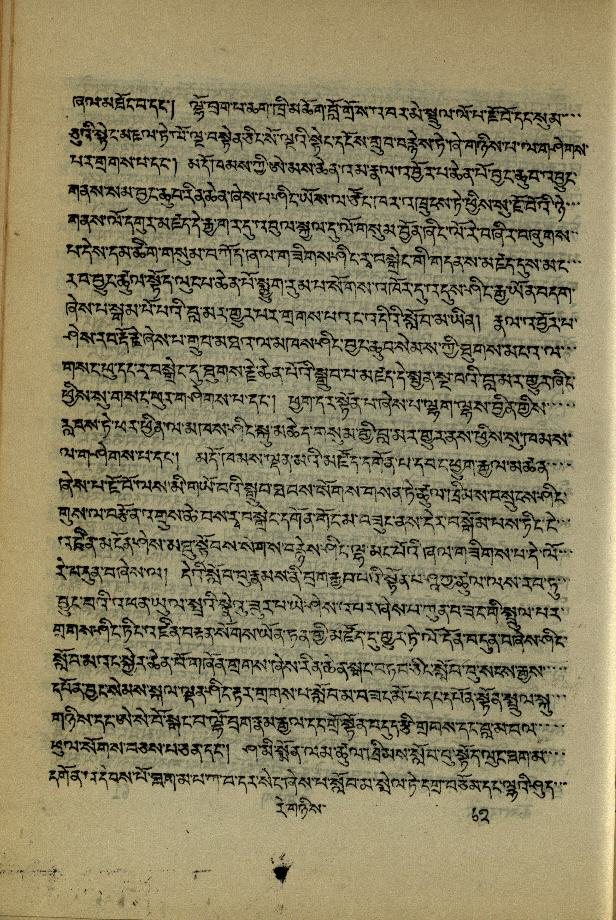ཞལ་མཐོང་བ་དང་། ལྷོ་བྲག་པ་ཆག་ཁྲི་མཆོག་བློ་གྲོས་འབར་མེ་སྤྲུལ་ལོ་པ་ཇོ་བོ་དང་སུམ་
ཅུའི་སྟེང་མཇལ་ཏེ་ལོ་ལྔ་བསྟེན་ཅིང་སོ་ལྔའི་སྟེང་དངོས་གྲུབ་བརྙེས་ཏེ་ཞེ་གཉིས་པ་ལ་གཤེགས་
པར་གྲགས་པ་དང་། མདོ་ཁམས་ཀྱི་ཨེ་མས་ཆེན་འམ་རྣལ་འབྱོར་པ་ཆེན་པོ་བྱང་ཆུབ་འབྱུང་
གནས་སམ་བྱང་ཆུབ་རིན་ཆེན་ཞེས་པ་ཤིང་ཡོས་ལ་ཙོང་ཁར་འཁྲུངས་ཏེ་ཕྱིས་སུ་ཇོ་བོའི་ཉེ་
གནས་ལོ་དགུར་མཛད་དེ་རྒྱ་གར་དུ་འབུལ་སྐྱལ་དུ་ལོ་གསུམ་བྱོན་ཞིང་ལོ་རེ་བཞིར་བཞུགས་
པ་དེས་དམ་ཚིག་གསུམ་བཀོད་ཞལ་གཟིགས་ཤིང་རྭ་བསྒྲེང་གི་གདན་ས་མཛད་དུས་མང་
རབ་བྱུང་ཚུལ་སྟོད་ལུང་པ་ཆེན་པོ་སྨྱུག་རུམ་པ་སོགས་འཁོར་དུ་འདུས་ཤིང་རྒྱ་ཡོན་བདག་
ཞེས་པ་སྒམ་པོ་པའི་བླ་མར་གྱུར་པར་གྲགས་པའང་འདིའི་སློབ་མ་ཡིན། རྣལ་འབྱོར་པ་
ཤེས་རབ་རྡོ་རྗེ་ཞེས་པ་གྲུབ་མཐའ་ལ་མཁས་ཤིང་བྱང་ཆུབ་སེམས་ཀྱི་ཐུགས་མངའ་ལ་
གསང་ཕུ་དང་རྭ་བསྒྲེང་དུ་ཐུགས་རྗེ་ཆེན་པོའི་སྒྲུབ་པ་མཛད་དེ་སྤྱན་སྔ་བའི་བླ་མར་གྱུར་ཞིང་
ཕྱིས་སུ་གསང་ཕུར་གཤེགས་པ་དང་། ཕྱག་དར་སྟོན་པ་ཞེས་པ་ལྷག་ལྷས་བྱིན་གྱིས་
རླབས་ཏེ་ཕར་ཕྱིན་ལ་མཁས་ཤིང་སྐུ་མཆེད་གསུམ་གྱི་བླ་མར་གྱུར་ནས་ཕྱིས་སུ་ཁམས་
ལ་གཤེགས་པ་དང་། མདོ་ཁམས་ལྡན་མའི་མཛོད་དགོན་པ་དབང་ཕྱུག་རྒྱལ་མཚན་
ཞེས་པ་ཇོ་བོ་ལས་མི་གཡོ་བའི་སྒྲུབ་ཐབས་སོགས་གསན་ཏེ་ཚུལ་ཁྲིམས་བསྲུངས་ཤིང་
གུས་ལ་བརྩོན་འགྲུས་ཆེ་བས་རྭ་བསྒྲེང་དགོན་གོང་མ་བཟུང་ནས་དེར་བསྒོམ་པས་ཏིང་ངེ་
འཛིན་མངོན་ཤེས་མཐུ་སྟོབས་སོགས་བརྙེས་ཤིང་ལྷ་མང་པོའི་ཞལ་གཟིགས་པ་དེ་ལོ་
རེ་བདུན་པ་ཞེས་ལ། དེའི་སློབ་བུ་རྣམས་ནི་བྲག་རྒྱབ་པའི་སྟོན་པ་ཤཱཀྱ་ཚུལ་ལས་རབ་ཏུ་
བྱུང་བའི་འཕན་ཡུལ་སྤྲའི་སྣེའུ་ཟུར་པ་ཡེ་ཤེས་འབར་ཞེས་པ་ཀུན་བཟང་གི་སྤྲུལ་པར་
གྲགས་ཤིང་ཏིང་འཛིན་བརྟན་སོགས་ཡོན་ཏན་གྱི་མཛོད་དུ་གྱུར་ཏེ་ལོ་དོན་བདུན་བཞེས་ཤིང་
སློབ་མའང་སྐྱེར་ཆེན་པོ་གཞོན་གྲགས་ཞེས་རིན་ཆེན་སྒང་བཏབ་ཅིང་སློབ་བུ་སངས་རྒྱས་
དཔོན་བྱང་སེམས་སྐལ་ལྡན་ཤིང་རྟར་གྲགས་པ་སློབ་མ་བཟང་མོ་པ་དང་དཔོན་སྟོན་སྤྲུལ་སྐུ་
གཉིས་དང་ཨེ་སེ་བོ་སྒང་བ་ལྷོ་བྲག་རྣམ་རྒྱལ་དང་གྲོ་སྟོན་བདུད་རྩི་གྲགས་དང་བླ་མ་བལ་
ཕུལ་སོགས་བཅས་པ་ཅན་དང་། ཤ་མི་སྨོན་ལམ་ཚུལ་ཁྲིམས་སློབ་བུ་སྟོད་ལུང་ཐག་མ་
དགོན་འདེབས་པོ་ཐག་མ་པ་ཀ་བ་དར་སེང་ཞེས་པ་སློབ་མ་སྤེལ་ཏེ་དགྲ་བཅོམ་དང་ལྷའི་ཤུད་